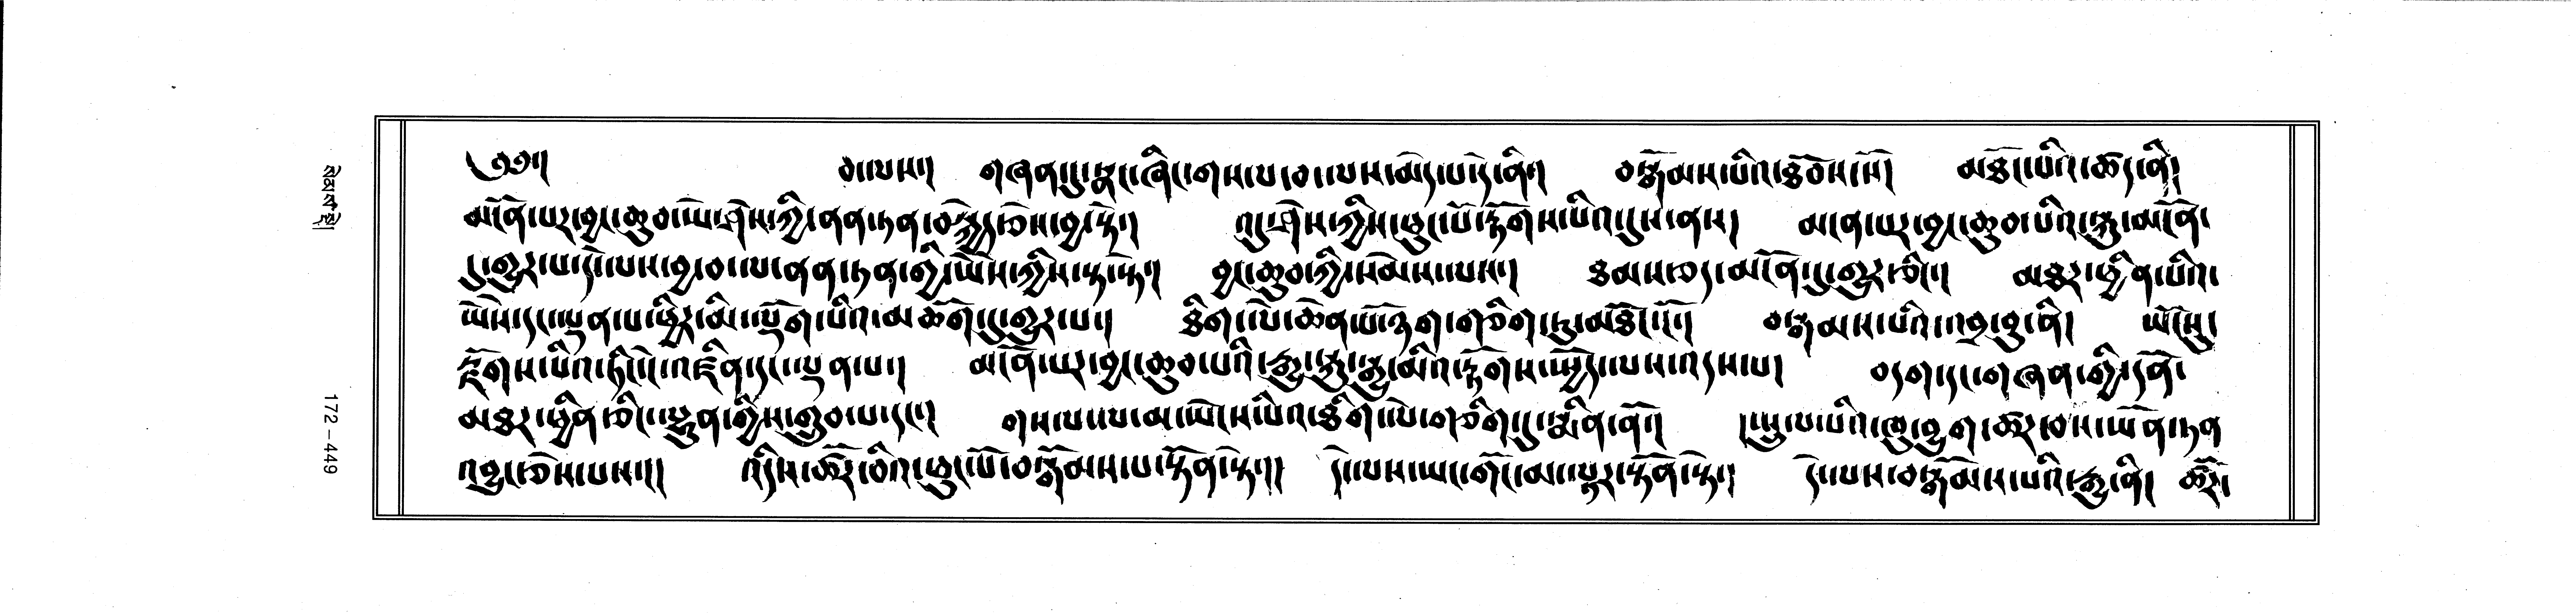གཞན་དུ་སྣང་ཞིང་གསལ་བ་ལས་མེད་པ་དེ་ནི། བསྒོམས་པའི་ཐབས་སོ། མཐོང་པའ་ཚད་ནི་
མངོན་པར་བྱང་ཆུབ་ཡེ་ཤེས་ཀྱི་ནན་ཏན་བསྐྱེད་ཅེས་སྟེ། འདུ་ཤེས་ཀྱིས་ཕུང་པོ་རྟོགས་པའི་དུས་ནས། མངོན་པར་བྱང་ཆུབ་པའི་སྐུ་མངོན་
དུ་གྱུར་པ་དེ་ལས་བྱ་བ་ལ་ནན་ཏན་གྱི་ཡེ་ཤེས་ཀྱིས་ལྟ་སྟེ། བྱང་ཆུབ་ཀྱིས་སེམས་ལས། ཐམས་ཅད་མངོན་དུ་གྱུར་ཅིང་། མཐར་ཕྱིན་པའི་
ཡེ་ཤེས་དང་ལྡན་པ་ཕྱིར་མི་ལྡོག་པའི་མཆོག་དུ་གྱུར་པ། ཐིག་ལེ་ཆེན་པོ་ཉག་གཅིག་ཏུ་མཐོང་ངོ་། བསྒོམས་པའི་འབྲས་བུ་ནི། ཡོངས་སུ་
རྫོགས་པའི་ཏིང་ངེ་འཛིན་དང་ལྡན་པ། མངོན་པར་བྱང་ཆུབ་པའི་རྒྱུ་སྐུ་སྒྱུ་མའི་རྟོགས་སྤྱོད་ལས་འདས་པ། བདག་དང་གཞན་གྱི་དོན་
མཐར་ཕྱིན་ཅིང་ལྷུན་གྱིས་གྲུབ་པ་དང་། གསལ་བ་མ་གཡེངས་པའི་ཐིག་ལེ་གཅིག་དུ་སྨིན་ནོ། སྤྲུལ་པའི་ཁུ་བྱུག་ཚར་བས་ཡོན་ཏན་
འབྱུང་ཅེས་པས། འདིས་ཚོར་བའི་ཕུང་པོ་བསྒོམས་པ་སྟོན་སྟེ། དེ་ལས་ཡང་གོང་མ་ལྟར་སྟོན་སྟེ། དེ་ལས་བསྒོམས་པའི་རྒྱུ་ནི། ཚོར་